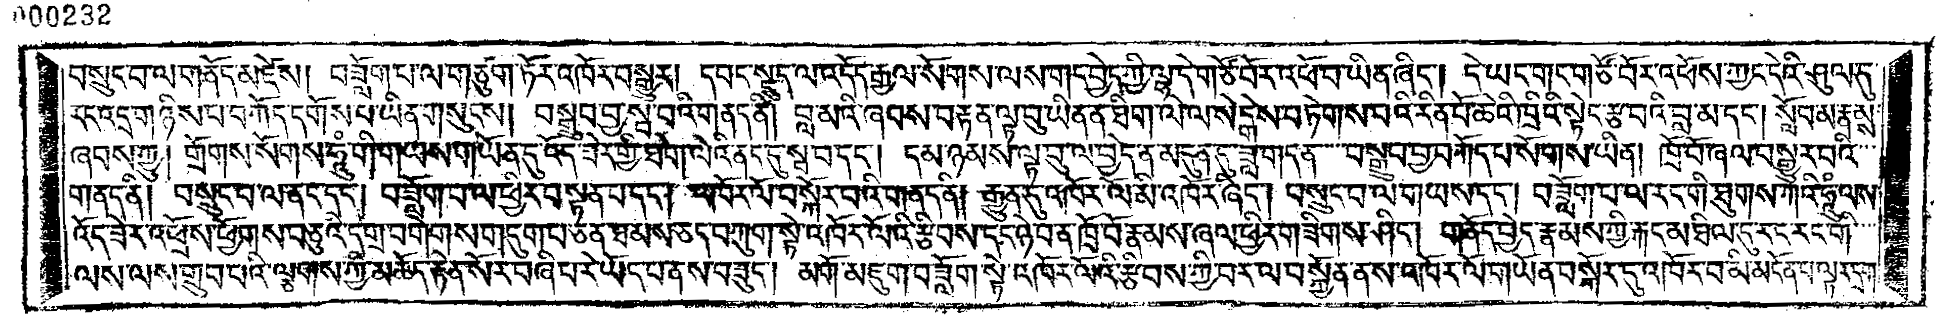བསྲུང་བ་ལ་གནོད་མཛེས། བཟློག་པ་ལ་གཙུག་ཏོར་འཁོར་བསྒྱུར། དབང་སྡུད་ལ་འདོད་རྒྱལ་སོགས་ལས་གང་བྱེད་ཀྱི་ལྷ་དེ་གཙོ་བོར་འཕོ་བ་ཡིན་ཞིང་། དེ་ཡང་གང་གཙོ་བོར་འཕོས་ཀྱང་དེའི་ཤུལ་དུ་
རང་འདྲ་གཉིས་པ་བཀོད་དགོས་པ་ཡིན་གསུངས། བསྒྲུབ་བྱ་སྦ་བའི་གནད་ནི། བླ་མའི་ཞབས་བརྟན་ལྟ་བུ་ཡིན་ན་ཐིག་ལེ་ལ་སེངྒེས་བཏེགས་པའི་རིན་པོ་ཆེའི་ཁྲིའི་སྟེང་རྩ་བའི་བླ་མ་དང་། སློབ་མ་རྣམས་
ཞབས་ཀྱུ། གྲོགས་སོགས་ཧཱུཾ་གི་གཡས་གཡོན་དུ་འོད་ཟེར་གྱི་ཐེག་ལེའི་ནང་དུ་སྦ་བ་དང་། དམ་ཉམས་ལྟ་བུ་ལ་བྱེད་ན་མདུན་དུ་ཟླ་གདན་བསྒྲུབ་བྱ་བཀོད་པ་སོགས་ཡིན། ཁྲོ་བོ་ཞལ་བསྒྱུར་བའི་
གནད་ནི། བསྲུང་བ་ལ་ནང་དང་། བཟློག་པ་ལ་ཕྱིར་བསྟན་པ་དང་། འཁོར་ལོ་བསྐོར་བའི་གནད་ནི། རྒྱུན་དུ་འཁོར་ལོ་མི་འཁོར་ཞིང་། བསྲུང་བ་ལ་གཡས་དང་། བཟློག་པ་ལ་རང་གི་ཐུགས་ཀའི་ཧཱུཾ་ལས་
འོད་ཟེར་འཕྲོས་ཕྱོགས་བཅུའི་དགྲ་བགེགས་གདུག་པ་ཅན་ཐམས་ཅད་བཀུག་སྟེ་འཁོར་ལོའི་རྩིབས་དང་ཉེ་བ་ན་ཁྲོ་བོ་རྣམས་ཞལ་ཕྱིར་གཟིགས་ཤིང་། གནོད་བྱེད་རྣམས་ཀྱི་རྐང་མཐིལ་དུ་རང་རང་གི་
ལས་ལས་གྲུབ་པའི་ལྕགས་ཀྱི་མཆོད་རྟེན་སོར་བཞི་པ་རེ་ཡོད་པ་ནས་བཟུང་། མགོ་མཇུག་བཟློག་སྟེ་འཁོར་ལོའི་རྩིབས་ཀྱི་བར་ལ་བསྐྱོན་ནས་འཁོར་ལོ་གཡོན་བསྐོར་དུ་འཁོར་བ་མི་མངོན་པ་ལྟར་དྲག་